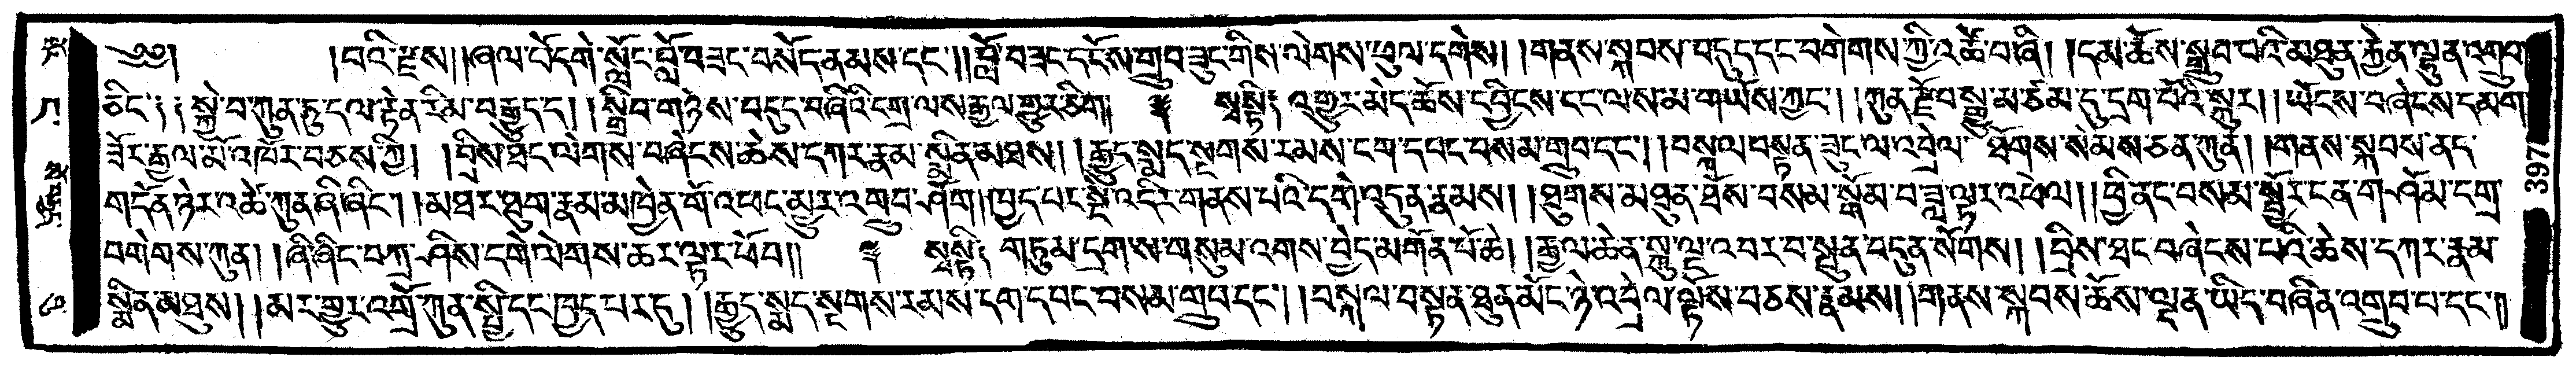༄༅། །བའི་རྫས། །ཞལ་པོ་དགེ་སློང་བློ་བཟང་བསོད་ནམས་དང་། །བློ་བཟང་དངོས་གྲུབ་ཟུང་གིས་ལེགས་ཕུལ་དགེས། །གནས་སྐབས་བདུད་དང་བགེགས་ཀྱི་འཚེ་བ་ཞི། །དམ་ཆོས་སྒྲུབ་པའི་མཐུན་རྐྱེན་ལྷུན་འགྲུབ་
ཅིང་། །སྐྱེ་བ་ཀུན་ཏུ་དལ་རྟེན་རིམ་བརྒྱུད་ད། །སྒྲིབ་གཉིས་བདུད་བཞིའི་དགྲ་ལས་རྒྱལ་གྱུར་ཅིག། ༈ སྭསྟི། འགྱུར་མེད་ཆོས་དབྱིངས་ངང་ལས་མ་གཡོས་ཀྱང་། །ཀུན་རྫོབ་སྒྱུ་མ་ཙམ་དུ་དྲག་པོའི་སྐུར། །ཡོངས་བཞེངས་དམག་
ཟོར་རྒྱལ་མོ་འཁོར་བཅས་ཀྱི། །བྲིས་ཐང་ལེགས་བཞེངས་ཆེས་དཀར་རྣམ་སྨིན་མཐས། །རྒྱུད་སྨད་སྔགས་རམས་ངག་དབང་བསམ་གྲུབ་དང་། །བསྐལ་བསྟན་ཟུང་ལ་འབྲེལ་ཐོགས་སེམས་ཅན་ཀུན། །གནས་སྐབས་ནད་
གདོན་ཉེར་འཚེ་ཀུན་ཞི་ཞིང་། །མཐར་ཐུག་རྣམ་མཁྱེན་གོ་འཕང་མྱུར་འགྲུབ་ཤོག །ཁྱད་པར་སྡེ་འདིར་གནས་པའི་དགེ་འདུན་རྣམས། །ཐུགས་མཐུན་ཐོས་བསམ་སྒོམ་པ་ཟླ་ལྟར་འཕེལ། །ཕྱི་ནང་བསམ་སྦྱོར་ངན་གཤོམ་དགྲ་
བགེགས་ཀུན། །ཞི་ཞིང་བཀྲ་ཤིས་དགེ་ལེགས་ཆར་ལྟར་ཕོབ།། ༈ སྭསྟི། གཏུམ་དྲག་ས་གསུམ་འགས་བྱེད་མགོན་པོ་ཆེ། །རྒྱལ་ཆེན་སྐུ་ལྔ་འབར་བ་སྤུན་བདུན་སོགས། །བྲིས་ཐང་བཞེངས་པའི་ཆེས་དཀར་རྣམ་
སྨིན་མཐུས། །མར་གྱུར་འགྲོ་ཀུན་སྤྱི་དང་ཁྱད་པར་དུ། །རྒྱུད་སྨད་སྔགས་རམས་ངག་དབང་བསམ་གྲུབ་དང་། །བསྐལ་བསྟན་ཐུན་མོང་ཉེ་འབྲེལ་ལྟོས་བཅས་རྣམས། །གནས་སྐབས་ཆོས་ལྡན་ཡིད་བཞིན་འགྲུབ་པ་དང།།